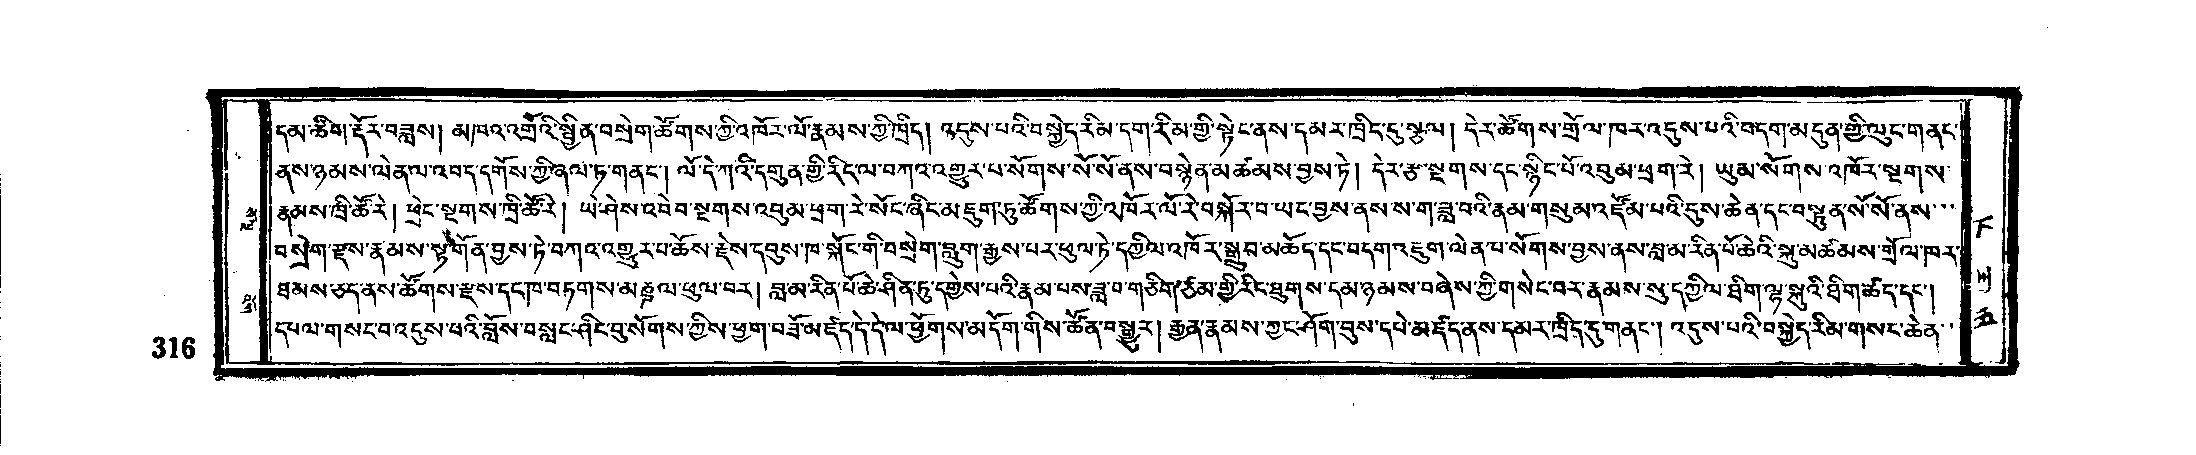དམ་ཚིག་རྡོར་བཟླས། མཁའ་འགྲོའི་སྦྱིན་བསྲེག་ཚོགས་ཀྱི་འཁོར་ལོ་རྣམས་ཀྱི་ཁྲིད། འདུས་པའི་བསྐྱེད་རིམ་དག་རིམ་གྱི་སྟེང་ནས་དམར་ཁྲིད་དུ་སྩལ། དེར་ཚོགས་གྲོལ་ཁར་འདུས་པའི་བདག་མདུན་གྱི་ལུང་གནང་
ནས་ཉམས་ལེན་ལ་འབད་དགོས་ཀྱི་ཞལ་ཏ་གནང་། ལོ་དེ་ཀའི་དགུན་གྱི་རིང་ལ་བཀའ་འགྱུར་པ་སོགས་སོ་སོ་ནས་བསྙེན་མཚམས་བྱས་ཏེ། དེར་རྩ་སྔགས་དང་སྙིང་པོ་འབུམ་ཕྲག་རེ། ཡུམ་སོགས་འཁོར་སྔགས་
རྣམས་ཁྲི་ཚོ་རེ། ཕྲེང་སྔགས་ཁྲི་ཚོ་རེ། ཡེ་ཤེས་འབེབ་སྔགས་འབུམ་ཕྲག་རེ་སོང་ཞིང་མཇུག་ཏུ་ཚོགས་ཀྱི་འཁོར་ལོ་རེ་བསྐོར་བ་ཡང་བྱས་ནས་ས་ག་ཟླ་བའི་རྣམ་གསུམ་འཛོམ་པའི་དུས་ཆེན་དང་བསྟུན་སོ་སོ་ནས་
བསྲེག་རྫས་རྣམས་སྟ་གོན་བྱས་ཏེ་བཀའ་འགྱུར་པ་ཆོས་རྗེས་དབུས་ཁ་སྐོང་གི་བསྲེག་བླུག་རྒྱས་པར་ཕུལ་ཏེ་དཀྱིལ་འཁོར་སྒྲུབ་མཆོད་དང་བདག་འཇུག་ལེན་པ་སོགས་བྱས་ནས་བླ་མ་རིན་པོ་ཆེའི་སྐུ་མཚམས་གྲོལ་ཁར་
ཐམས་ཅད་ནས་ཚོགས་རྫས་དང་ཁ་བཏགས་མཎྜལ་ཕུལ་བར། བླ་མ་རིན་པོ་ཆེ་ཤིན་ཏུ་དགྱེས་པའི་རྣམ་པས་ཟླ་བ་གཅིག་ཙམ་གྱི་རིང་ཐུགས་དམ་ཉམས་བཞེས་ཀྱི་གསེང་བར་རྣམས་སུ་དཀྱིལ་ཐིག་ལྷ་སྐུའི་ཐིག་ཚད་དང་།
དཔལ་གསང་བ་འདུས་པའི་བློས་བསླང་ཤིང་བུ་སོགས་ཀྱིས་ཕྱག་བཟོ་མཛད་དེ་དེ་ལ་ཕྱོགས་མདོག་གིས་ཚོན་བསྒྱུར། རྒྱན་རྣམས་ཀྱང་ཤོག་བུས་དཔེ་མཛད་ནས་དམར་ཁྲིད་དུ་གནང་། འདུས་པའི་བསྐྱེད་རིམ་གསང་ཆེན་